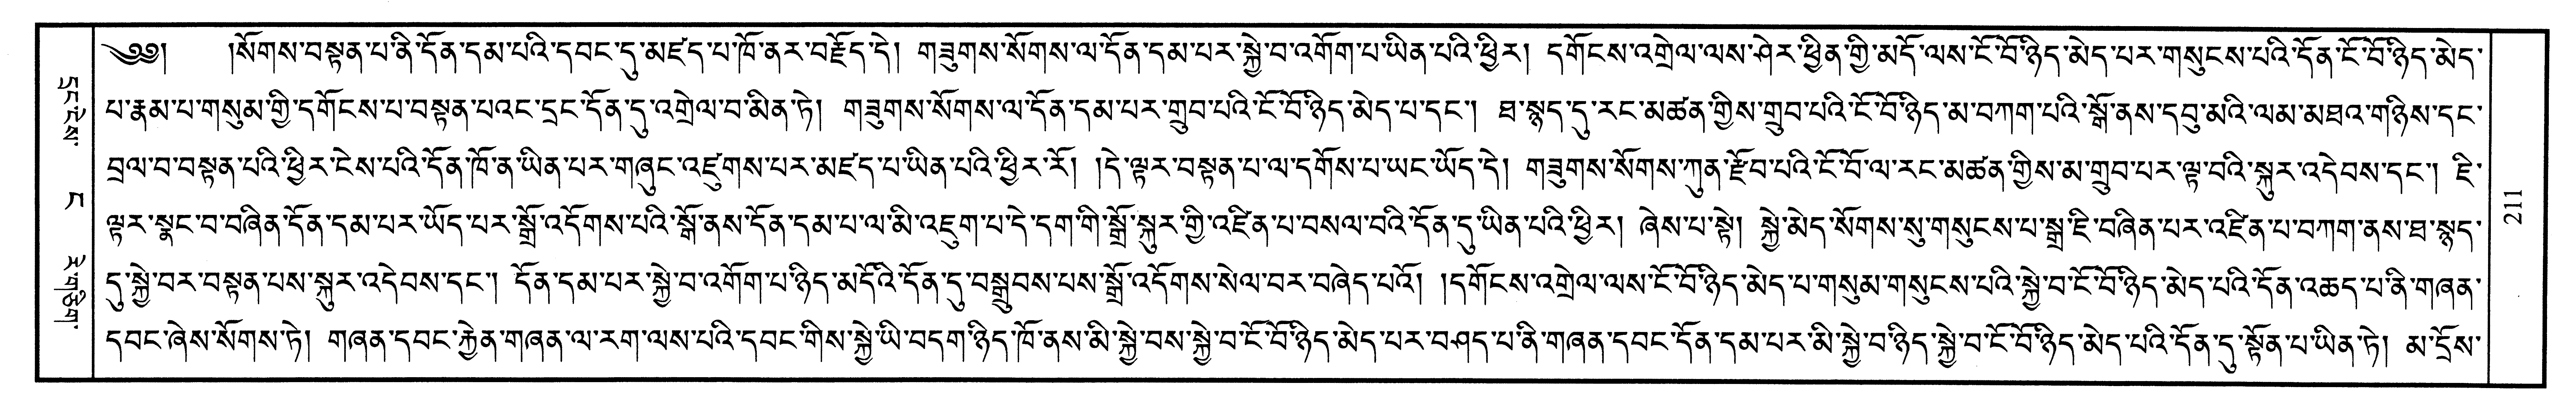༄༅། །སོགས་བསྟན་པ་ནི་དོན་དམ་པའི་དབང་དུ་མཛད་པ་ཁོ་ནར་བརྗོད་དེ། གཟུགས་སོགས་ལ་དོན་དམ་པར་སྐྱེ་བ་འགོག་པ་ཡིན་པའི་ཕྱིར། དགོངས་འགྲེལ་ལས་ཤེར་ཕྱིན་གྱི་མདོ་ལས་ངོ་བོ་ཉིད་མེད་པར་གསུངས་པའི་དོན་ངོ་བོ་ཉིད་མེད་
པ་རྣམ་པ་གསུམ་གྱི་དགོངས་པ་བསྟན་པའང་དྲང་དོན་དུ་འགྲེལ་བ་མིན་ཏེ། གཟུགས་སོགས་ལ་དོན་དམ་པར་གྲུབ་པའི་ངོ་བོ་ཉིད་མེད་པ་དང་། ཐ་སྙད་དུ་རང་མཚན་གྱིས་གྲུབ་པའི་ངོ་བོ་ཉིད་མ་བཀག་པའི་སྒོ་ནས་དབུ་མའི་ལམ་མཐའ་གཉིས་དང་
བྲལ་བ་བསྟན་པའི་ཕྱིར་ངེས་པའི་དོན་ཁོ་ན་ཡིན་པར་གཞུང་འཛུགས་པར་མཛད་པ་ཡིན་པའི་ཕྱིར་རོ། །དེ་ལྟར་བསྟན་པ་ལ་དགོས་པ་ཡང་ཡོད་དེ། གཟུགས་སོགས་ཀུན་རྫོབ་པའི་ངོ་བོ་ལ་རང་མཚན་གྱིས་མ་གྲུབ་པར་ལྟ་བའི་སྐུར་འདེབས་དང་། ཇི་
ལྟར་སྣང་བ་བཞིན་དོན་དམ་པར་ཡོད་པར་སྒྲོ་འདོགས་པའི་སྒོ་ནས་དོན་དམ་པ་ལ་མི་འཇུག་པ་དེ་དག་གི་སྒྲོ་སྐུར་གྱི་འཛིན་པ་བསལ་བའི་དོན་དུ་ཡིན་པའི་ཕྱིར། ཞེས་པ་སྟེ། སྐྱེ་མེད་སོགས་སུ་གསུངས་པ་སྒྲ་ཇི་བཞིན་པར་འཛིན་པ་བཀག་ནས་ཐ་སྙད་
དུ་སྐྱེ་བར་བསྟན་པས་སྐུར་འདེབས་དང་། དོན་དམ་པར་སྐྱེ་བ་འགོག་པ་ཉིད་མདོའི་དོན་དུ་བསྒྲུབས་པས་སྒྲོ་འདོགས་སེལ་བར་བཞེད་པའོ། །དགོངས་འགྲེལ་ལས་ངོ་བོ་ཉིད་མེད་པ་གསུམ་གསུངས་པའི་སྐྱེ་བ་ངོ་བོ་ཉིད་མེད་པའི་དོན་འཆད་པ་ནི་གཞན་
དབང་ཞེས་སོགས་ཏེ། གཞན་དབང་རྐྱེན་གཞན་ལ་རག་ལས་པའི་དབང་གིས་སྐྱེ་ཡི་བདག་ཉིད་ཁོ་ནས་མི་སྐྱེ་བས་སྐྱེ་བ་ངོ་བོ་ཉིད་མེད་པར་བཤད་པ་ནི་གཞན་དབང་དོན་དམ་པར་མི་སྐྱེ་བ་ཉིད་སྐྱེ་བ་ངོ་བོ་ཉིད་མེད་པའི་དོན་དུ་སྟོན་པ་ཡིན་ཏེ། མ་དྲོས་